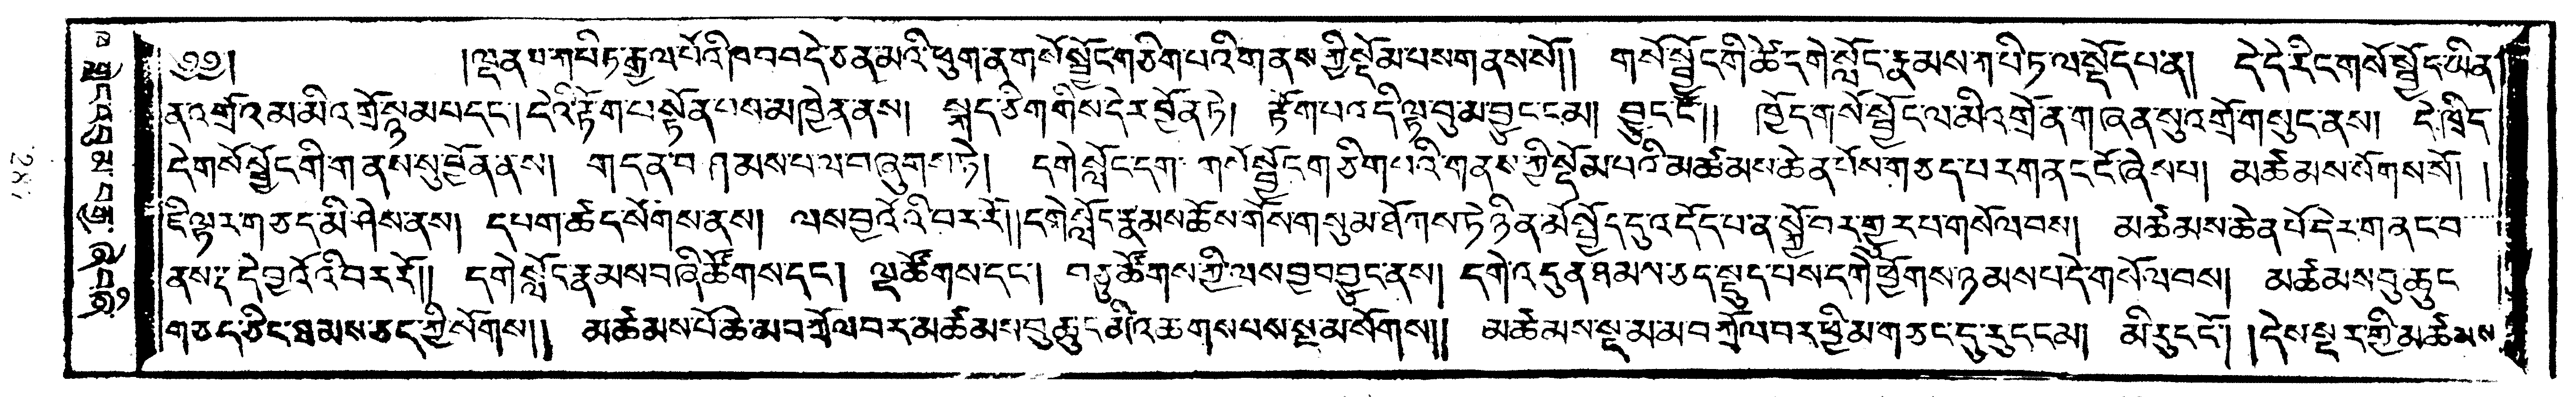༄༅། །ལྡན་པ་ཀཔིཏ་རྒྱལ་པོའི་ཁབ་བདེ་ཅན་མའི་ཕུག་ན་གསོ་སྦྱོང་གཅིག་པའི་གནས་ཀྱི་སྡོམ་པས་གནས་སོ།། གསོ་སྦྱོང་གི་ཚེ་དགེ་སློང་རྣམས་ཀ་པི་ཏ་ལ་སྡོད་པ་ན། དེ་དེ་རིང་གསོ་སྦྱོང་ཡིན་
ན་འགྲོའམ་མི་འགྲོ་སྙམ་པ་དང་། དེའི་རྟོག་པ་སྟོན་པས་མཁྱེན་ནས། སྐད་ཅིག་གིས་དེར་བྱོན་ཏེ། རྟོག་པ་འདི་ལྟ་བུ་མ་བྱུང་ངམ། བྱུང་ངོ།། ཁྱོད་གསོ་སྦྱོང་ལ་མི་འགྲོ་ན་གཞན་སུ་འགྲོ་གསུང་ནས། དེ་ཁྲིད་
དེ་གསོ་སྦྱོང་གི་གནས་སུ་བྱོན་ནས། གདན་བཤམས་པ་ལ་བཞུགས་ཏེ། དགེ་སློང་དག་གསོ་སྦྱོང་གཅིག་པའི་གནས་ཀྱི་སྡོམ་པའི་མཚམས་ཆེན་པོས་གཅད་པར་གནང་ངོ་ཞེས་པ། མཚམས་སོགས་སོ། །
ཇི་ལྟར་གཅང་མི་ཤེས་ནས། དཔག་ཚད་སོགས་ནས། ལས་བྱའོའི་བར་རོ། །དགེ་སློང་རྣམས་ཆོས་གོས་གསུམ་ཐོགས་ཏེ་ཉིན་མོ་སྤྱོད་དུ་འདོད་པ་ན་སྐྱོ་བར་གྱུར་པ་གསོལ་བས། མཚམས་ཆེན་པོ་དེར་གནང་བ་
ནས༑ དེ་བྱའོའི་བར་རོ།། དགེ་སློང་རྣམས་བཞི་ཚོགས་དང་། ལྔ་ཚོགས་དང་། བཅུ་ཚོགས་ཀྱི་ལས་བྱ་བ་བྱུང་ནས། དགེ་འདུན་ཐམས་ཅད་སྡུད་པས་དགེ་ཕྱོགས་ཉམས་པ་དེ་གསོལ་བས། མཚམས་བུ་ཆུང་
གཅད་ཅིང་ཐམས་ཅད་ཀྱི་སོགས།། མཚམས་པོ་ཆེ་མ་བཀྲོལ་བར་མཚམས་བུ་ཆུང་མི་འཆགས་པས་སྔ་མ་སོགས།། མཚམས་སྔ་མ་མ་བཀྲོལ་བར་ཕྱི་མ་གཅང་དུ་རུང་ངམ། མི་རུང་ངོ། །དེས་སྔར་གྱི་མཚམས་